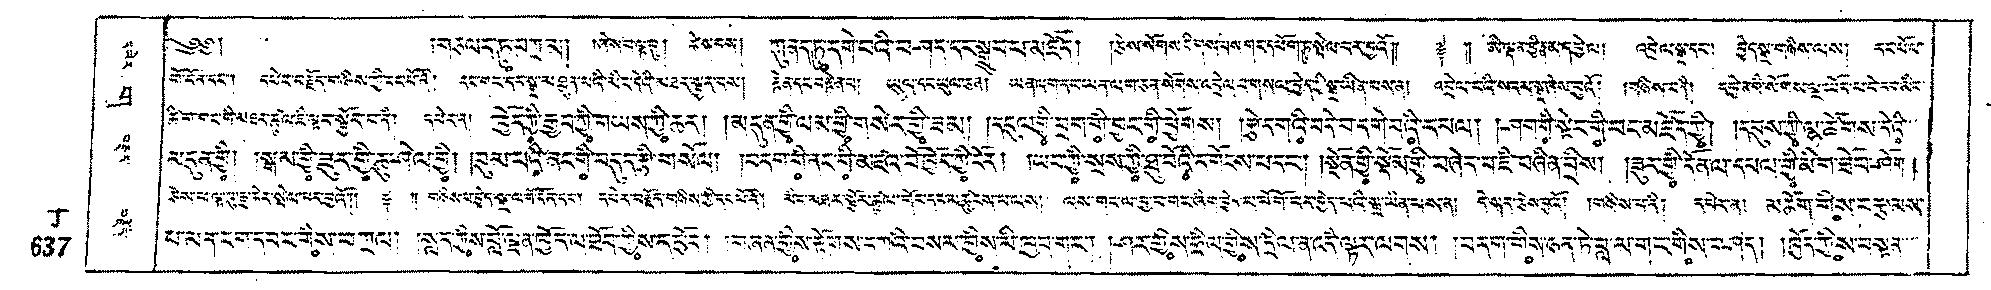༄༅། །གཅལད་ཏུ྾་བཀྲམ། །ཞེས་པ་ལྟ་བུ། ཚེ་སྐབས།  ཀུནད་ཏུཾ་དགེ་བའི་བཤད་དང་སྒྲུབ་པ་མཛོད། །ཅེས་སོགས་རིགས་པས་གང་དཔོག་ཏུ་སྤེལ་བར་བྱའོ།། འ།།ཨི་ལྡན་གྱི་རྣམ་དབྱེ་ལ། འབྲེལ་སྒྲ་དང་། བྱེད་སྒྲ་གཉིས་ལས། དང་པོ་ལ་
གོ་དོན་དང་། དཔེར་བརྗོད་གཉིས་ཀྱི་དང་པོ་ནི། རང་གང་དང་སྒྲ་མཐུན་པའི་མིང་དེའི་མཐར་སྦྱར་བས། རྟེན་དང་བརྟེན་པ། ཡུལ་དང་ཡུལ་ཅན། ཡན་ལག་དང་ཡན་ལག་ཅན་སོགས་འབྲེལ་བ་གསལ་བྱེད་ཀྱི་སྒྲ་ཡིན་པས་ན། འབྲེལ་བའི་སའམ་སྒྲ་ཞེས་བྱའོ། །གཉིས་པ་ནི། དབྱེ་ན་གི་སོགས་ལྔ་ཡོད་པ་དེ་དག་མིང་
ཚིག་གང་གི་མཐར་ཚུལ་ཇི་ལྟར་སྦྱོར་བ་ནི། དཔེར་ན། ཁྱོད་ཀྱི྾་རྒྱབ་ཀྱི྾་གཡས་ཀྱི྾་ཆར། །མདུན་གྱི྾་ལམ་གྱི྾་གསེར་གྱི྾་ཟམ། །དངུལ་གྱི྾་བྲག་གི྾་བྱང་གི྾་ཕྱོགས། །རྩེ་དགའི྾་བདེ་བ་དགེ་བའི྾་དཔལ། །ཤག་གི྾་སྟེང་གི྾་བང་མཛོད་ཀྱི྾། །དབུས་ཀྱི྾་ལྷ་ཚོགས་དེའི྾་་་
མདུན་གྱི྾། །སྒམ་གྱི྾་ཟུར་གྱི྾་ཆུ་ཤེལ་གྱི྾། །བུམ་པའི྾་ནང་གི྾་བདུད་རྩི་གསོལ། །བདག་གི྾་ནང་གི྾་མཛའ་བོ་ཁྱོད་ཀྱི྾་ངོར། །ཡབ་ཀྱི྾་སྲས་ཀྱི྾་ཐུ་བོའི྾་དགོངས་པ་དང་། །སྔོན་གྱི྾་སྡོམ་གྱི྾་བཞེད་པ་ཇི་བཞིན་བྲིས། །ཟུར་གྱི྾་དོན་ལ་དཔལ་གྱི྾་མིག་ཐོབ་ཤོག །
ཅེས་པ་ལྟ་བུ་རྒྱ་ཆེར་སྤེལ་བར་བྱའོ།། འ་།།གཉིས་པ་བྱེད་སྒྲ་ལ་གོ་དོན་དང་། དཔེར་བརྗོད་གཉིས་ཀྱི་དང་པོ་ནི། མིང་མཐར་སྦྱོར་ཚུལ་གོང་དང་མཚུངས་པ་ལས། ལས་གང་ལ་བྱ་བ་གང་ཞིག་བྱེད་པ་པོ་གོ་བར་བྱེད་པའི་སྒྲ་ཡིན་པས་ན། དེ་སྐད་ཅེས་བྱའོ། །གཉིས་པ་ནི། དཔེར་ན།  མཆོག་གིས྾་བརྩམས་
པ་མན་ངག་དབང་གི྾་ས་བཀྲལ། །སླད་ཀྱིས྾་བློ་ལྡན་ཁྱོད་ལ་ཐོབ་ཀྱིས྾་དཔྱོད། །གཞན་གྱིས྾་རྟོགས་དཀའི་བསམ་གྱིས྾་མི་ཁྱབ་གང་། །ཤར་གྱིས྾་ཧྲིལ་གྱིས྾་དྲིལ་ན་འདི་ལྟར་ལགས། །བདག་གིས྾་ཉན་ཏེ་བླ་མ་གང་གིས྾་བཤད། །ཁྱོད་ཀྱིས྾་བསྟན་་་